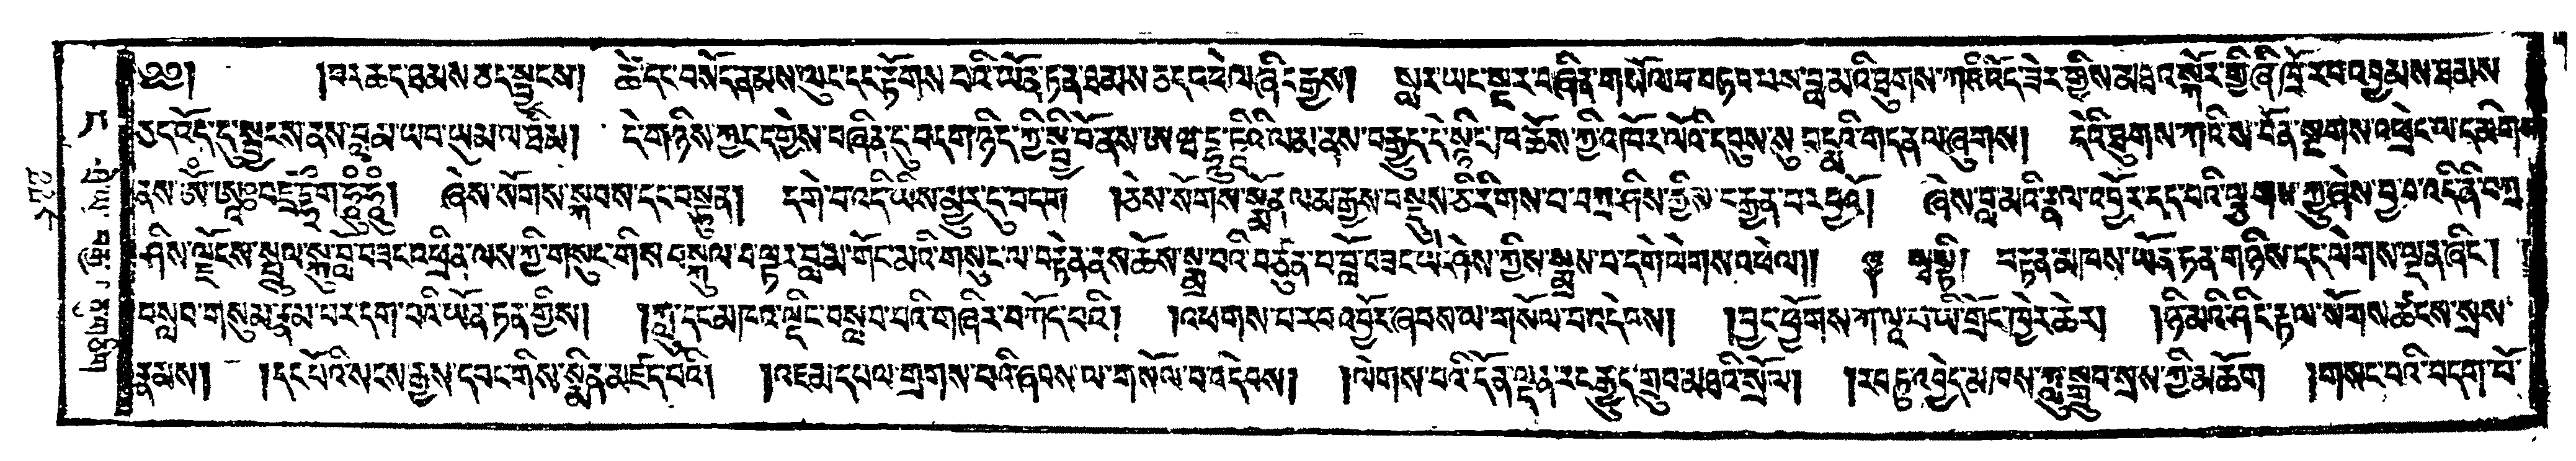༄༅། །བར་ཆད་ཐམས་ཅད་སྦྱངས། ཚེ་དང་བསོད་ནམས་ལུང་དང་རྟོགས་བའི་ཡོན་ཏན་ཐམས་ཅད་འཕེལ་ཞིང་རྒྱས། སླར་ཡང་སྔར་བཞིན་གསོལ་བ་བཏབ་པས་བླ་མའི་ཐུགས་ཀཾ་འོད་ཟེར་གྱིས་མཐའ་སྐོར་གྱི་ཞི་ཁྲོ་རབ་འབྱམས་ཐམས་
ཅད་འོད་དུ་སྦྱངས་ནས་བླ་མ་ཡབ་ཡུམ་ལ་ཐིམ། དེ་གཉིས་ཀྱང་དགྱེས་བཞིན་དུ་བདག་ཉིད་ཀྱི་སྤྱི་བོ་ནས་ཨ་ཝ་དྷཱུ་ཏིའི་ལམ་ནས་བརྒྱུད་དེ་སྙིང་ཁ་ཆོས་ཀྱི་འཁོར་ལོའི་དབུས་སུ་པདམའི་གདན་ལ་ཞུགས། དེའི་ཐུགས་ཀའི་ས་བོན་སྔགས་འཕྲེང་ལ་དམིགས་
ནས་ཨོཾ་ཨཱཿ བཛྲ་དྷྲྀ་ག་ཧཱུཾ་ཧཱུཾ། ཞེས་སོགས་སྐབས་དང་བསྟུན། དགེ་བ་འདི་ཡིས་མྱུར་དུ་བདག །ཅེས་སོགས་སྨོན་ལམ་རྒྱས་བསྡུས་ཅི་རིགས་པ་བཀྲ་ཤིས་ཀྱིས་བརྒྱན་པར་བྱའོ། ཞེས་བླ་མའི་རྣལ་འབྱོར་དད་པའི་ལྕགས་ཀྱུ་ཞེས་བྱ་བ་འདི་ནི་བཀྲ་
ཤིས་ལྗོངས་སྤྲུལ་སྐུ་བློ་བཟང་འཕྲིན་ལས་ཀྱི་གསུང་གིས་བསྐུལ་བ་ལྟར་བླ་མ་གོང་མའི་གསུང་ལ་བརྟེན་ནས་ཆོས་སྨྲ་བའི་བཙུན་བ་བློ་བཟང་ཡེ་ཤེས་ཀྱིས་སྨྲས་བ་དགེ་ལེགས་འཕེལ།། ༈ སྭསྟི། བརྟན་མཁས་ཡོན་ཏན་གཉིས་དང་ལེགས་ལྡན་ཞིང་། །
བསླབ་གསུམ་རྣམ་པར་དག་པའི་ཡོན་ཏན་གྱིས། །ཀླུ་དང་མཁའ་ལྡིང་བསླབ་པའི་གཞིར་བཀོད་པའི། །འཕགས་པ་རབ་འབྱོར་ཞབས་ལ་གསོལ་བ་འདེབས། །བྱང་ཕྱོགས་ཀ་ལཱ་པ་ཡི་གྲོང་ཁྱེར་ཆེར། །ཉི་མའི་ཤིང་རྟ་ལ་སོགས་ཚངས་སྲས་
རྣམས། །དང་པོའི་སངས་རྒྱས་དབང་གིས་སྨིན་མཛད་བའི། །འཇམ་དཔལ་གྲགས་བའི་ཞབས་ལ་གསོལ་བ་འདེབས། །ལེགས་པའི་དོན་ལྡན་རང་རྒྱུད་གྲུབ་མཐའི་སྲོལ། །རབ་ཏུ་འབྱེད་མཁས་ཀླུ་སྒྲུབ་སྲས་ཀྱི་མཆོག །གསང་བའི་བདག་པོ་